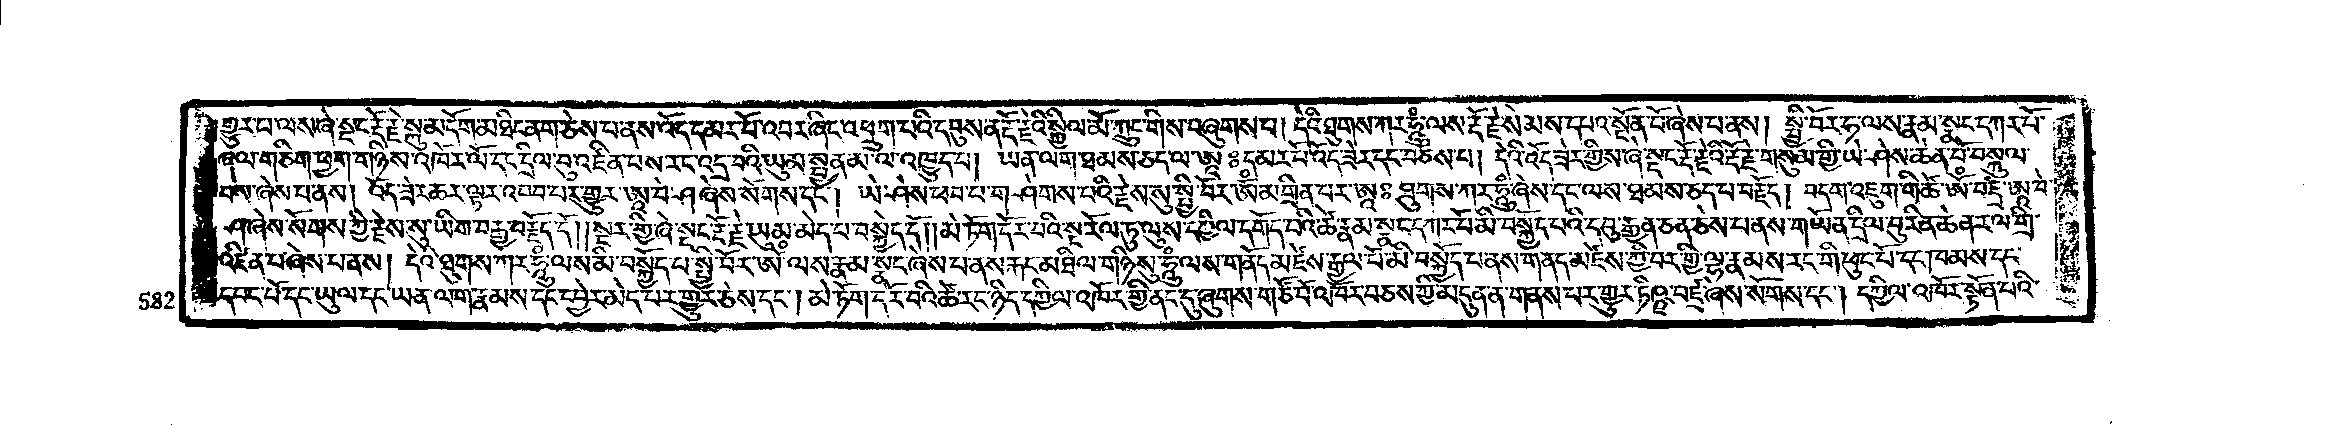གྱུར་པ་ལས་ཞེ་སྡང་རྡོ་རྗེ་སྐུ་མདོག་མཐིང་ནག་ཅེས་པ་ནས་འོད་དམར་པོ་འབར་ཞིང་འཁྲུག་པའི་དབུས་ན་རྡོ་རྗེའི་སྐྱིལ་མོ་ཀྲུང་གིས་བཞུགས་པ། དེའི་ཐུགས་ཀར་ཧཱུཾ་ལས་རྡོ་རྗེ་སེམས་དཔའ་སྔོན་པོ་ཞེས་པ་ནས། སྤྱི་བོར་ཧ་ལས་རྣམ་སྣང་དཀར་པོ་
ཞལ་གཅིག་ཕྱག་གཉིས་འཁོར་ལོ་དང་དྲིལ་བུ་འཛིན་པས་རང་འདྲ་བའི་ཡུམ་སྤྱན་མ་ལ་འཁྱུད་པ། ཡན་ལག་ཐམས་ཅད་ལ་ཨཱཿ དམར་པོ་འོད་ཟེར་དང་བཅས་པ། དེའི་འོད་ཟེར་གྱིས་ཞེ་སྡང་རྡོ་རྗེའི་རྡོ་རྗེ་གསུམ་གྱི་ཡེ་ཤེས་ཆེན་པོ་བསྐུལ་
བས་ཞེས་པ་ནས། འོད་ཟེར་ཆར་ལྟར་འབབ་པར་གྱུར་ཨཱ་བེ་ཤ་ཞེས་སོགས་དང་། ཡེ་ཤེས་ཕབ་པ་གཤེགས་པའི་རྗེས་སུ་སྤྱི་བོར་ཨོཾ་མགྲིན་པར་ཨཱཿ ཐུགས་ཀར་ཧཱུཾ་ཞེས་དང་ལས་ཐམས་ཅད་པ་བརྗོད། བདག་འཇུག་གི་ཚེ་ཨོཾ་བཛྲ་ཨཱ་བེ་
ཤ་ཞེས་སོགས་ཀྱི་རྗེས་སུ་ཡིག་བརྒྱ་བརྗོད་དོ། །སྔར་གྱི་ཞེ་སྡང་རྡོ་རྗེ་ཡུམ་མེད་པ་བསྐྱེད་དོ། །མེ་ཏོག་དོར་བའི་སྔ་རོལ་ཏུ་ལུས་དཀྱིལ་དགོད་པའི་ཚེ་རྣམ་སྣང་དཀར་པོ་མི་བསྐྱོད་པའི་དབུ་རྒྱན་ཅན་ཅེས་པ་ནས་གཡོན་དྲིལ་བུ་རིན་ཆེན་རལ་གྲི་
འཛིན་པ་ཞེས་པ་ནས། དེའི་ཐུགས་ཀར་ཧཱུཾ་ལས་མི་བསྐྱོད་པ་སྤྱི་བོར་ཨོཾ་ལས་རྣམ་སྣང་ཞེས་པ་ནས་རྐང་མཐིལ་གཉིས་སུ་ཧཱུཾ་ལས་གནོད་མཛེས་རྒྱལ་པོ་མི་བསྐྱོད་པ་ནས་གནོད་མཛེས་ཀྱི་བར་གྱི་ལྷ་རྣམས་རང་གི་ཕུང་པོ་དང་ཁམས་དང་
དབང་པོ་དང་ཡུལ་དང་ཡན་ལག་རྣམས་དང་དབྱེར་མེད་པར་གྱུར་ཅེས་དང་། མེ་ཏོག་དོར་བའི་ཚེ་རང་ཉིད་དཀྱིལ་འཁོར་གྱི་ནང་དུ་ཞུགས་གཙོ་བོ་འཁོར་བཅས་ཀྱི་མདུན་ན་གནས་པར་གྱུར་ཏིཥཊཿཨ་བཛྲ་ཞེས་སོགས་དང་། དཀྱིལ་འཁོར་སྟོན་པའི་